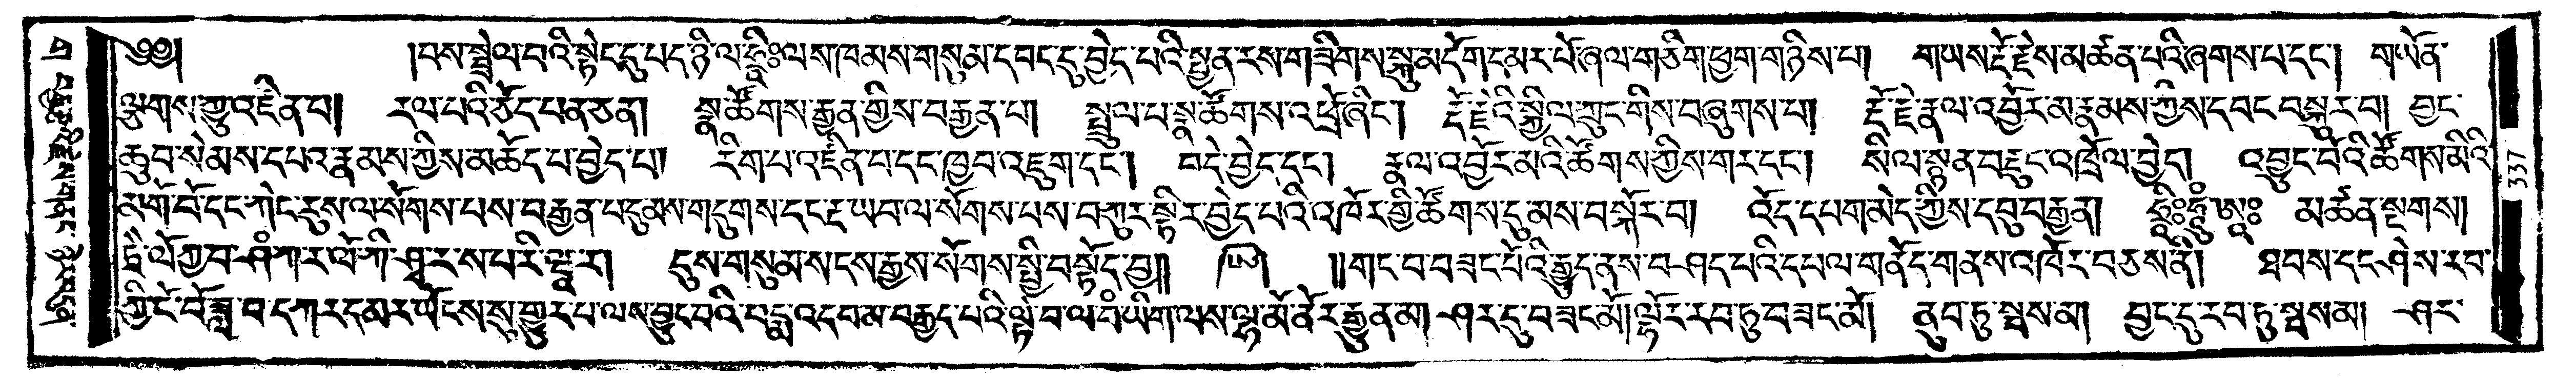༄༅། །བས་སྦྲེལ་བའི་སྟེང་དུ་པད་ཉི་ལ་ཧྲཱིཿལས་ཁམས་གསུམ་དབང་དུ་བྱེད་པའི་སྤྱན་རས་གཟིགས་སྐུ་མདོག་དམར་པོ་ཞལ་གཅིག་ཕྱག་གཉིས་པ། གཡས་རྡོ་རྗེས་མཚན་པའི་ཞགས་པ་དང་། གཡོན་
ལྕགས་ཀྱུ་འཛིན་པ། རལ་པའི་ཅོད་པན་ཅན། སྣ་ཚོགས་རྒྱན་གྱིས་བརྒྱན་པ། སྤྲུལ་པ་སྣ་ཚོགས་འཕྲོ་ཞིང་། རྡོ་རྗེའི་སྐྱིལ་ཀྲུང་གིས་བཞུགས་པ། རྡོ་རྗེ་རྣལ་འབྱོར་མ་རྣམས་ཀྱིས་དབང་བསྐུར་བ། བྱང་
ཆུབ་སེམས་དཔའ་རྣམས་ཀྱིས་མཆོད་པ་བྱེད་པ། རིག་པ་འཛིན་པ་དང་ཁྱབ་འཇུག་དང་། བདེ་བྱེད་དང་། རྣལ་འབྱོར་མའི་ཚོགས་ཀྱིས་གར་དང་། སིལ་སྙན་བརྡུང་འཁྲོལ་བྱེད། འབྱུང་པོའི་ཚོགས་མིའི་
མགོ་བོ་དང་ཀེང་རུས་ལ་སོགས་པས་བརྒྱན་པ་དུ་མས་གདུགས་དང་རྔ་ཡབ་ལ་སོགས་པས་བཀུར་སྟིར་བྱེད་པའི་འཁོར་གྱི་ཚོགས་དུ་མས་བསྐོར་བ། འོད་དཔག་མེད་ཀྱིས་དབུ་བརྒྱན། ཧྲཱིཿཧཱུཾ་ཨཱཿ མཚན་སྔགས།
ཏྲཻ་ལོཀྱ་བ་ཤཾ་ཀ་ར་ལོ་ཀི་ཤྭ་ར་ས་པ་རི་ཝཱ་ར། དུས་གསུམ་སངས་རྒྱས་སོགས་སྤྱི་བསྟོད་བྱ།། ༥༦?་།།གང་བ་བཟང་པོའི་རྒྱུད་ནས་བཤད་པའི་དཔལ་གནོད་གནས་འཁོར་བཅས་ནི། ཐབས་དང་ཤེས་རབ་
ཀྱི་ངོ་བོ་ཟླ་བ་དཀར་དམར་ཡོངས་སུ་གྱུར་པ་ལས་བྱུང་བའི་པདམ་འདབ་མ་བརྒྱད་པའི་ལྟེ་བ་ལ་བཾ་ཡིག་ལས་ལྷ་མོ་ནོར་རྒྱུན་མ། ཤར་དུ་བཟང་མོ། ལྷོར་རབ་ཏུ་བཟང་མོ། ནུབ་ཏུ་སྦས་མ། བྱང་དུ་རབ་ཏུ་སྦས་མ། ཤར་